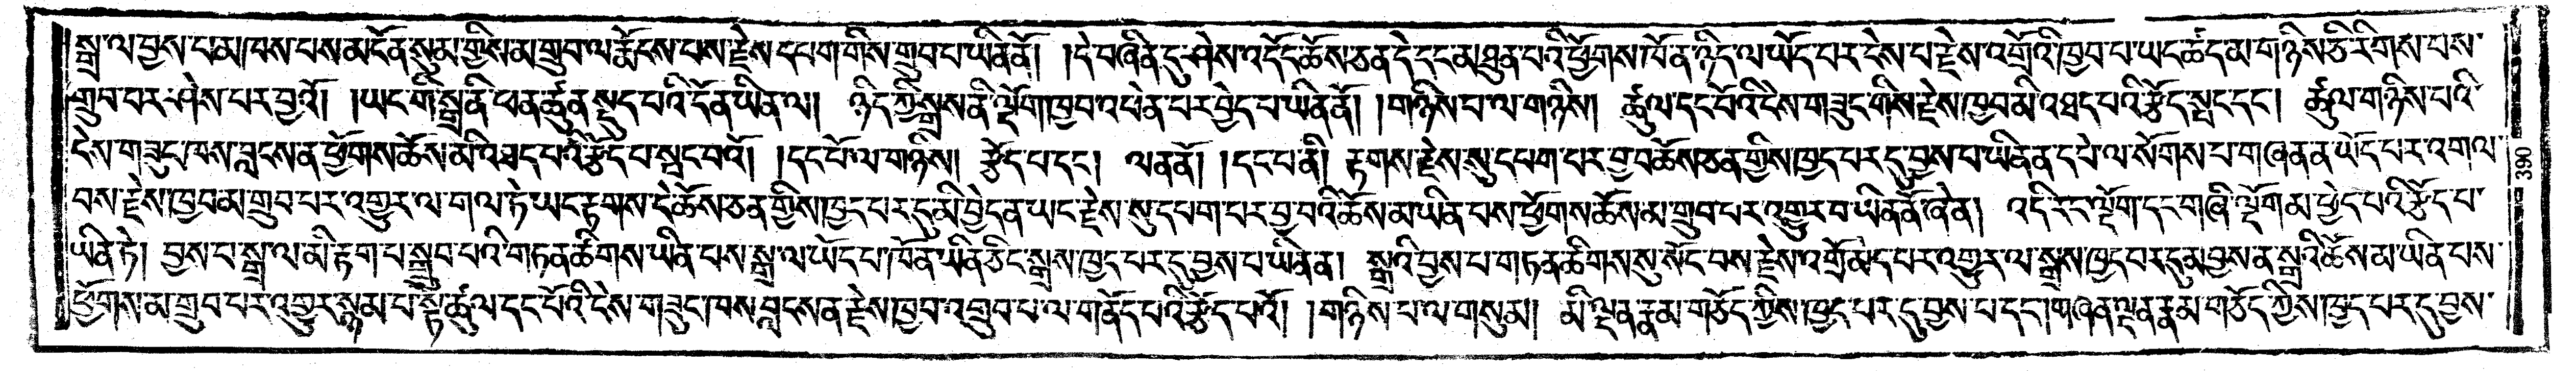སྒྲ་ལ་བྱས་པ་མཁས་པས་མངོན་སུམ་གྱིས་མ་གྲུབ་ལ་རྨོངས་པས་རྗེས་དཔག་གིས་གྲུབ་པ་ཡིན་ནོ། །དེ་བཞིན་དུ་ཤེས་འདོད་ཆོས་ཅན་དེ་དང་མཐུན་པའི་ཕྱོགས་ཁོ་ན་ཉིད་ལ་ཡོད་པར་ངེས་པ་རྗེས་འགྲོའི་ཁྱབ་པ་ཡང་ཚད་མ་གཉིས་ཅི་རིགས་པས་
གྲུབ་པར་ཤེས་པར་བྱའོ། །ཡང་གི་སྒྲ་ནི་ཕན་ཚུན་སྡུད་པའི་དོན་ཡིན་ལ། ཉིད་ཀྱི་སྒྲས་ནི་ལྡོག་ཁྱབ་འཕེན་པར་བྱེད་པ་ཡིན་ནོ། །གཉིས་པ་ལ་གཉིས། ཚུལ་དང་པོའི་ངེས་གཟུང་གིས་རྗེས་ཁྱབ་མི་འཐད་པའི་རྩོད་སྤང་དང་། ཚུལ་གཉིས་པའི་
ངེས་གཟུང་ཁས་བླངས་ན་ཕྱོགས་ཆོས་མི་འཐད་པའི་རྩོད་པ་སྤང་བའོ། །དང་པོ་ལ་གཉིས། རྩོད་པ་དང་། ལན་ནོ། །དང་པོ་ནི། རྟགས་རྗེས་སུ་དཔག་པར་བྱ་བ་ཆོས་ཅན་གྱིས་ཁྱད་པར་དུ་བྱས་པ་ཡིན་ན་དཔེ་ལ་སོགས་པ་གཞན་ན་ཡོད་པར་འགལ་
བས་རྗེས་ཁྱབ་མ་གྲུབ་པར་འགྱུར་ལ་གལ་ཏེ་ཡང་རྟགས་དེ་ཆོས་ཅན་གྱིས་ཁྱད་པར་དུ་མི་བྱེད་ན་ཡང་རྗེས་སུ་དཔག་པར་བྱ་བའི་ཆོས་མ་ཡིན་པས་ཕྱོགས་ཆོས་མ་གྲུབ་པར་འགྱུར་བ་ཡིན་ནོ་ཞེ་ན། འདི་རང་ལྡོག་དང་གཞི་ལྡོག་མ་ཕྱེད་པའི་རྩོད་པ་
ཡིན་ཏེ། བྱས་པ་སྒྲ་ལ་མི་རྟག་པ་སྒྲུབ་པའི་གཏན་ཚིགས་ཡིན་པས་སྒྲ་ལ་ཡོད་པ་ཁོ་ན་ཡིན་ཅིང་སྒྲས་ཁྱད་པར་དུ་བྱས་པ་ཡིན་ན། སྒྲའི་བྱས་པ་གཏན་ཚིགས་སུ་སོང་བས་རྗེས་འགྲོ་མེད་པར་འགྱུར་ལ་སྒྲས་ཁྱད་པར་དུ་མ་བྱས་ན་སྒྲའི་ཆོས་མ་ཡིན་པས་
ཕྱོགས་མ་གྲུབ་པར་འགྱུར་སྙམ་པ་སྟེ་ཚུལ་དང་པོའི་ངེས་གཟུང་ཁས་བླངས་ན་རྗེས་ཁྱབ་འགྲུབ་པ་ལ་གནོད་པའི་རྩོད་པའོ། །གཉིས་པ་ལ་གསུམ། མི་ལྡན་རྣམ་གཅོད་ཀྱིས་ཁྱད་པར་དུ་བྱས་པ་དང་། གཞན་ལྡན་རྣམ་གཅོད་ཀྱིས་ཁྱད་པར་དུ་བྱས་